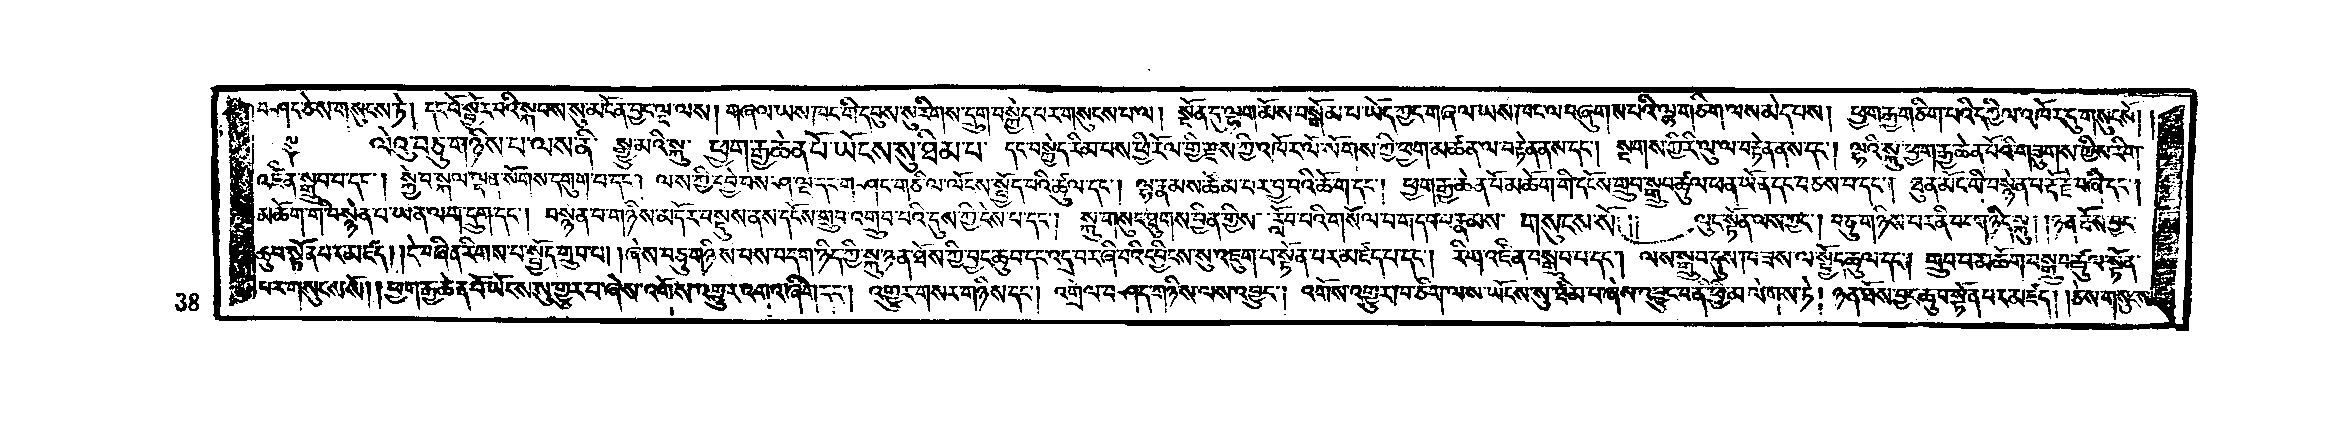བཤད་ཅེས་གསུངས་ཏེ། དང་པོ་སྦྱོར་བའི་སྐབས་སུ་མངོན་བྱང་ལྔ་ལས། གཞལ་ཡས་ཁང་གི་དབུས་སུ་རིགས་དྲུག་བསྐྱེད་པར་གསུངས་པ་ལ། སྔོན་དུ་ལྷག་མོས་བསྒོམ་པ་ཡོད་ཀྱང་གཞལ་ཡས་ཁང་ལ་བཞུགས་པའི་ལྷ་གཅིག་ལས་མེད་པས། ཕྱག་རྒྱ་གཅིག་པའི་དཀྱིལ་འཁོར་དུ་གསུངས་སོ། །
༈ ལེའུ་བཅུ་གཉིས་པ་ལས་ནི་སྒྱུ་མའི་སྐུ་ཕྱག་རྒྱ་ཆེན་པོ་ཡོངས་སུ་ཐིམ་པ་དང་བསྐྱེད་རིམ་པས་ཕྱི་རོལ་གྱི་རྫས་ཀྱི་འཁོར་ལོ་སོགས་ཀྱི་ཕྱག་མཚན་ལ་བརྟེན་ནས་དང་། སྔགས་ཀྱི་རི་ལུ་ལ་བརྟེན་ནས་དང་། ལྷའི་སྐུ་ཕྱག་རྒྱ་ཆེན་པོའི་གཟུགས་ཀྱིས་རིག་
འཛིན་སྒྲུབ་པ་དང་། སྐྱེ་བ་སྐལ་ལྡན་སོགས་དགུག་པ་དང་། ལས་ཀྱི་དབྱེ་བས་ཤ་ལྔ་དང་གཤང་གཅི་ལ་ལོངས་སྤྱོད་པའི་ཚུལ་དང་། ལྷ་རྣམས་ཚིམ་པར་བྱ་བའི་ཆོ་ག་དང་། ཕྱག་རྒྱ་ཆེན་པོ་མཆོག་གི་དངོས་གྲུབ་སྒྲུབ་ཚུལ་ཕན་ཡོན་དང་བཅས་པ་དང་། ཐུན་མོང་གི་བསྙེན་པ་རྡོ་རྗེ་བཞི་དང་།
མཆོག་གི་བསྙེན་པ་ཡན་ལག་དྲུག་དང་། བསྙེན་པ་གཉིས་མདོར་བསྡུས་ནས་དངོས་གྲུབ་འགྲུབ་པའི་དུས་ཀྱི་ངེས་པ་དང་། སྐུ་གསུང་ཐུགས་བྱིན་གྱིས་རློབ་པའི་གསོལ་བ་གདབ་པ་རྣམས། གསུངས་སོ།། ལུང་སྟོན་ལས་ཀྱང་། བཅུ་གཉིས་པར་ནི་བདག་ཉིད་སྐུ། །ཉན་ཐོས་བྱང་
ཆུབ་སྟོན་པར་མཛད། །དེ་བཞིན་རིགས་པ་སྤྱོད་གྲུབ་པ། །ཞེས་བཅུ་གཉིས་པས་བདག་ཉིད་ཀྱི་སྐུ་ཉན་ཐོས་ཀྱི་བྱང་ཆུབ་དང་འདྲ་བར་ཞི་བའི་དབྱིངས་སུ་འཇུག་པ་སྟོན་པར་མཛད་པ་དང་། རིག་འཛིན་བསྒྲུབ་པ་དང་། ལས་སྒྲུབ་དུས་ཁ་ཟས་ལ་སྤྱོད་ཚུལ་དང་། གྲུབ་པ་མཆོག་བསྒྲུབ་ཚུལ་སྟོན་
པར་གསུངས་སོ། །ཕྱག་རྒྱ་ཆེན་པོ་ཡོངས་སུ་གྱུར་པ་ཞེས་འགོས་འགྱུར་འགའ་ཞིག་དང་། འགྱུར་གསར་གཉིས་དང་། འགྲེལ་བཤད་གཉིས་ལས་འབྱུང་། འགོས་འགྱུར་ཁ་ཅིག་ལས་ཡོངས་སུ་ཐིམ་པ་ཞེས་འབྱུང་བ་ནི་ཕྱི་མ་ལེགས་ཏེ། ཉན་ཐོས་བྱང་ཆུབ་སྟོན་པར་མཛད། །ཅེས་གསུངས་